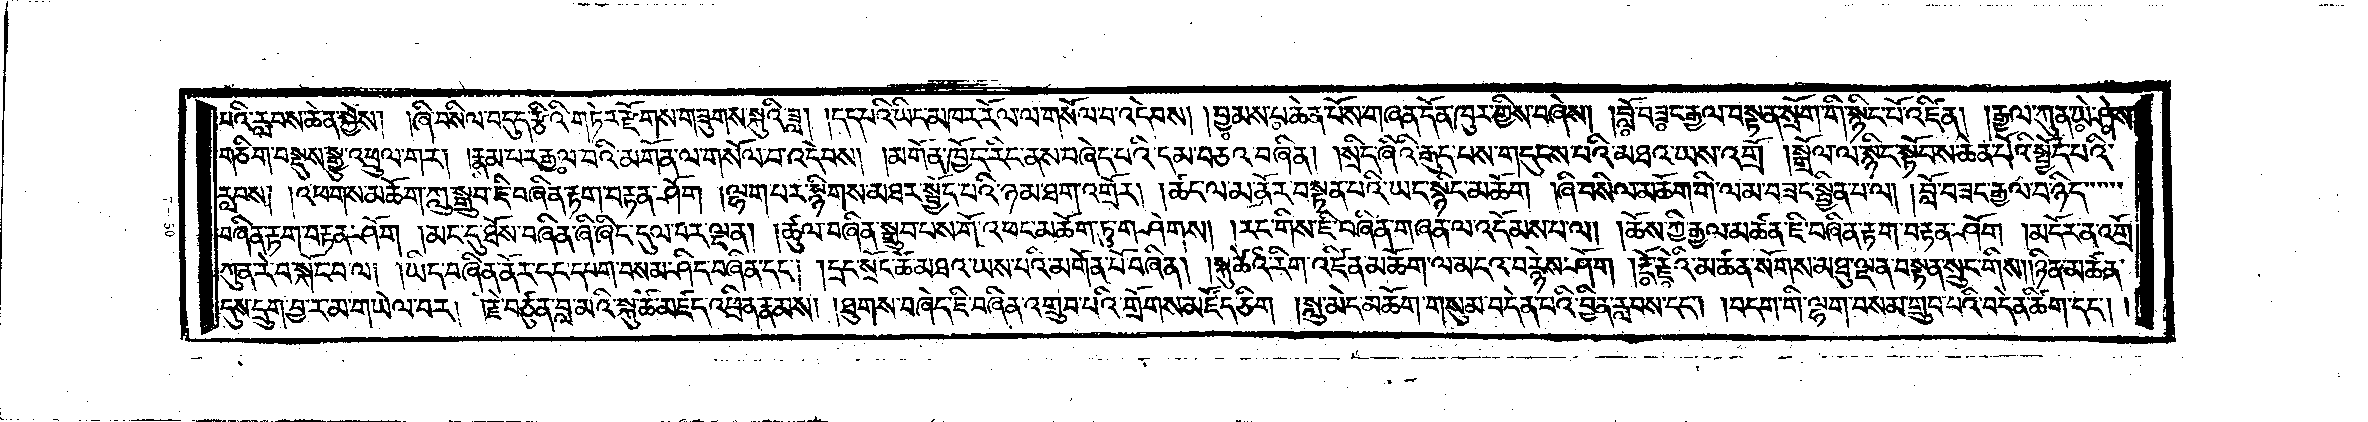པའི་རླབས་ཆེན་སྐྱེས། །ཞི་བསིལ་བདུད་རྩིའི་གཏེར་རྫོགས་གཟུགས་སྐུའི་ཟླ། །དད་པའི་ཡིད་མཁར་རོལ་ལ་གསོལ་བ་འདེབས། །བྱམས་པ་ཆེན་པོས་གཞན་དོན་ཁུར་གྱིས་བཞེས། །བློ་བཟང་རྒྱལ་བསྟན་སྲོག་གི་སྙིང་པོ་འཛིན། །རྒྱལ་ཀུན་ཡེ་ཤེས་
གཅིག་བསྡུས་སྒྱུ་འཕྲུལ་གར། །རྣམ་པར་རྒྱལ་བའི་མགོན་ལ་གསོལ་བ་འདེབས། །མགོན་ཁྱོད་རིང་ནས་བཞེད་པའི་དམ་བཅའ་བཞིན། །སྲིད་ཞིའི་རྒུད་པས་གདུངས་པའི་མཐའ་ཡས་འགྲོ་།སྒྲོལ་ལ་སྙིང་སྟོབས་ཆེན་པོའི་སྤྱོད་པའི་
རླབས། །འཕགས་མཆོག་ཀླུ་སྒྲུབ་ཇི་བཞིན་རྟག་བརྟན་ཤོག །ལྷག་པར་སྙིགས་མཐར་སྤྱོད་པའི་ཉམ་ཐག་འགྲོར། །ཚང་ལམ་ནོར་བསྟན་པའི་ཡང་སྙིང་མཆོག །ཞི་བསིལ་མཆོག་གི་ལམ་བཟང་སྦྱིན་པ་ལ། །བློ་བཟང་རྒྱལ་བ་ཉིད་
བཞིན་རྟག་བརྟན་ཤོག །མད་དུ་ཐོས་བཞིན་ཞི་ཞིང་དུལ་བར་ལྡན། །ཚུལ་བཞིན་སྒྲུབ་པས་གོ་འཕང་མཆོག་ཏུ་གཤེགས། །རང་གིས་ཇི་བཞིན་གཞན་ལ་འདོམས་པ་ལ། །ཆོས་ཀྱི་རྒྱལ་མཚན་ཇི་བཞིན་རྟག་བརྟན་ཤོག །མདོར་ན་འགྲོ་
ཀུན་རེད་སྐོང་བ་ལ། །ཡིད་བཞིན་ནོར་དང་དཔག་བསམ་ཤིང་བཞིན་དང་། །དྲང་སྲོང་ཚེ་མཐའ་ཡས་པའི་མགོན་པོ་བཞིན། །སྐུ་ཚེའི་རིག་འཛིན་མ་ཆོག་ལ་མངའ་བརྙེས་ཤོག །རྡོ་རྗེའི་མཚན་སོགས་མཐུ་ལྡན་བསྟན་སྲུང་གིས། །ཉིན་མཚན་
དུས་དྲུག་བྱར་མ་གཡེལ་བར། །རྗེ་བཙུན་བླ་མའི་སྐུ་ཚེ་མཛད་འཕྲིན་རྣམས། །ཐུགས་བཞེད་ཇི་བཞིན་འགྲུབ་པའི་གྲོགས་མཛོད་ཅིང་། །སླུ་མེད་མཆོག་གསུམ་བདེན་པའི་བྱིན་རླབས་དང་། །བདག་གི་ལྷག་བསམ་གྲུབ་པའི་བདེན་ཚིག་དང་། །